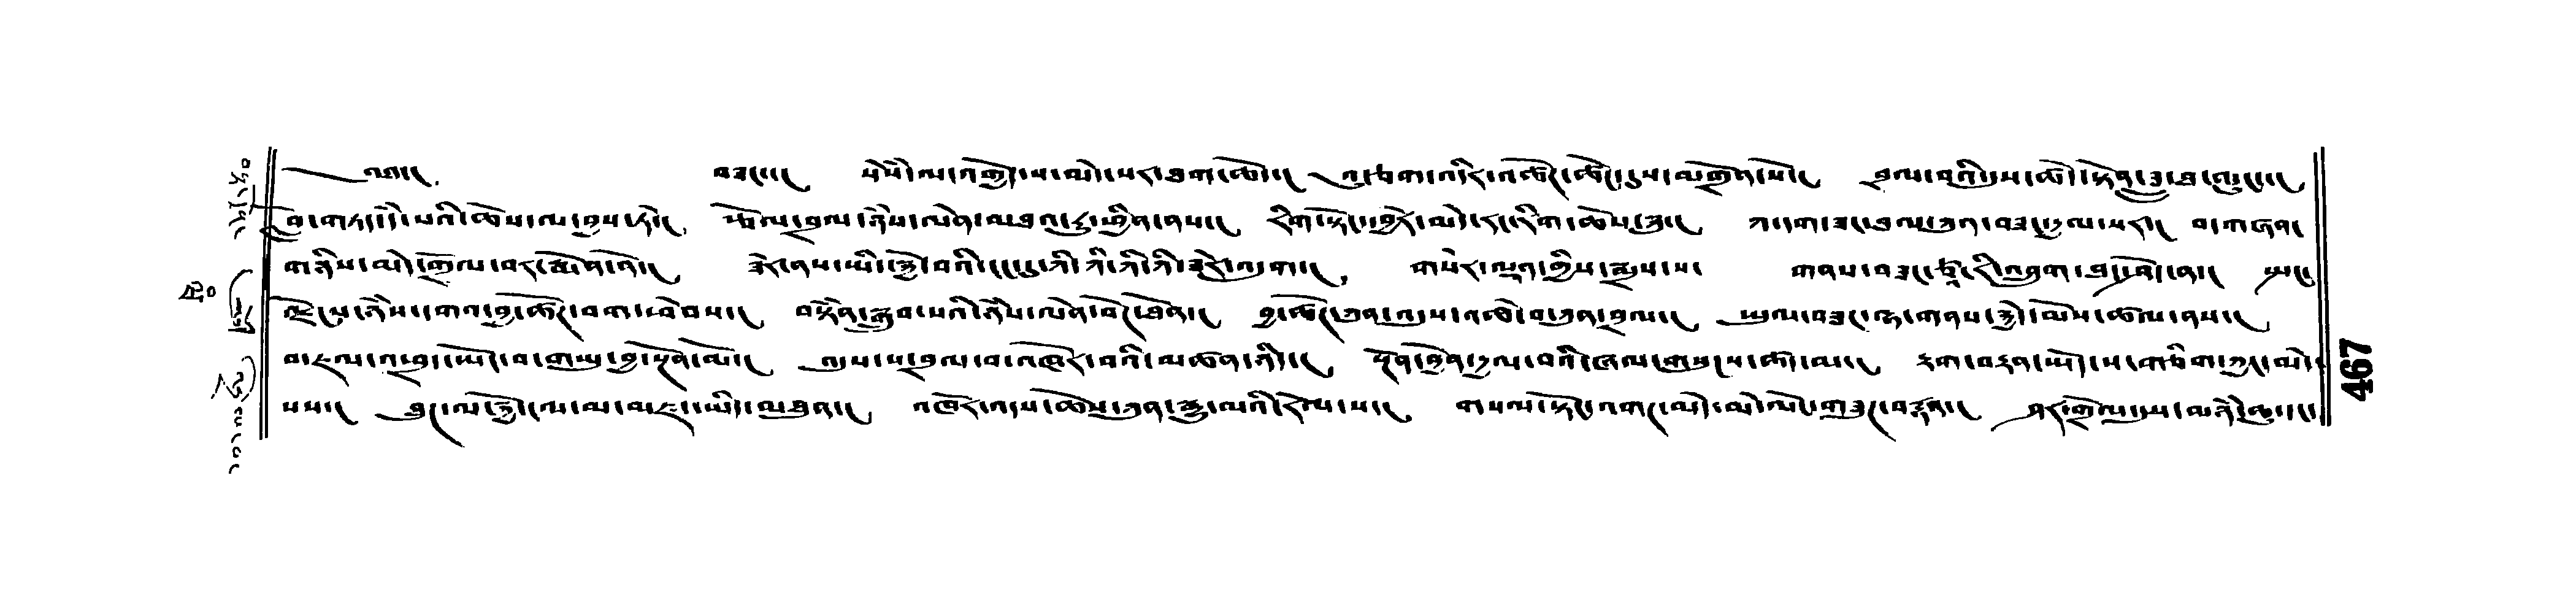བཟང་། །སེམས་ལ་འགྱོད་པ་མེད་པར་ཐག་ཆོད། །འུ་ཅག་འདིར་འཚོགས་ཚོང་དུས་མགྲོན་པོ། །བྲལ་བའི་དུས་ཚོད་སྟོན་ཟླ་ཐ་ཆུང་། །
བློ་གཏད་དམ་པའི་ཆོས་ལ་བྱས་ཏེ། །རྩོལ་བྲལ་ཉམས་ལེན་མཐའ་རུ་ཕྱིན་ནས། །རིག་སྟོང་དབྱེར་མེད་རང་རིག་ཆོས་སྐུ། །ཀ་དག་ཟང་ཐལ་ཀུན་བཟང་རྒྱལ་སར་། །བདག་གཞན་
གཉིས་མེད་གྲོལ་བར་སྨོན་ནོ།། ཟེར་ནས་ཡིད་སྐྱོ་བའི་ངང་དུ་ཀི་ཀི་ཀི་ཟེར་འདུག་པར། གསེར་ལྡན་གྱིས་སྨྲས་པ། གནས་བཟང་ཙཱ་རི་འབྲུག་ཐང་ཤོད་ན། །སྤང་
ལྗོངས་ཉམས་དགའ་བྱ་ཚོགས་བག་ཕེབས། །བསམ་གཏན་མ་སྒྲུབ་པའི་ཉམས་ལེན་བོགས་ཐོན། །བྱ་ཚོགས་ཀུན་འདུས་འཚེ་བ་ཀུན་བྲལ། །ཡུལ་བཟང་ལྷ་གནས་སྐྱེད་མོས་ཚལ་ནས། །
མཇལ་འཕྲད་ཡོངས་བ་གཡུ་བྱ་སྔོན་མོ། །འདུས་པ་བྲལ་བ་འཁོར་བའི་མཚན་ཉིད། །སྔོན་བྱོན་རྒྱལ་བའི་ཞལ་གསུངས་ཚད་མ། །རྟག་བརྟན་ཡོད་པ་གཅིག་ཀྱང་མེད་
པས། །ཐུགས་ལ་སྐྱོ་ངལ་མ་མཛད་ཡིད་མཐུན། །འཁོར་འདས་ཆོས་ཀུན་སྒྱུ་མའི་རོལ་པ། །གསལ་སྟོང་འགགས་མེད་མེ་ལོང་གཟུགས་བརྙན། །ཤར་གྲོལ་དུས་མཉམ་ཆུ་དང་